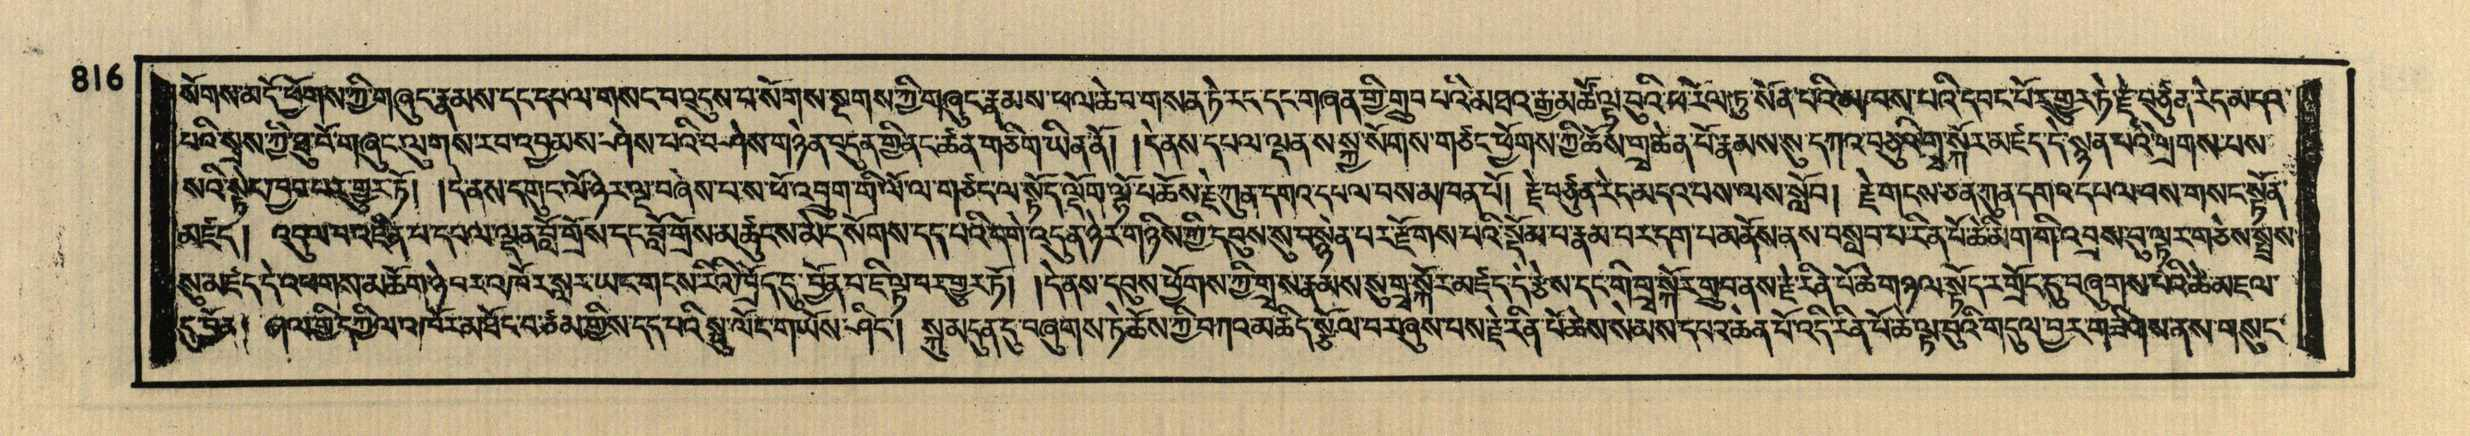སོགས་མདོ་ཕྱོགས་ཀྱི་གཞུང་རྣམས་དང་དཔལ་གསང་བ་འདུས་པ་སོགས་སྔགས་ཀྱི་གཞུང་རྣམས་ཕལ་ཆེ་བ་གསན་ཏེ་རང་དང་གཞན་གྱི་གྲུབ་པའི་མཐའ་རྒྱ་མཚོ་ལྟ་བུའི་ཕ་རོལ་ཏུ་སོན་པའི་མཁས་པའི་དབང་པོར་གྱུར་ཏེ་རྗེ་བཙུན་རེད་མདའ་
པའི་སྲས་ཀྱི་ཐུ་བོ་གཞུང་ལུགས་རབ་འབྱམས་ཤེས་པའི་བཤེས་གཉེན་བདུན་གྱི་ནང་ཚན་གཅིག་ཡིན་ནོ། །དེ་ནས་དཔལ་ལྡན་ས་སྐྱ་སོགས་གཙང་ཕྱོགས་ཀྱི་ཆོས་གྲྭ་ཆེན་པོ་རྣམས་སུ་དཀའ་བཅུའི་གྲྭ་སྐོར་མཛད་དེ་སྙན་པའི་གྲགས་པས་
སའི་སྟེང་ཁྱབ་པར་གྱུར་ཏོ། །དེ་ནས་དགུང་ལོ་ཉེར་ལྔ་བཞེས་པ་ས་ཕོ་འབྲུག་གི་ལོ་ལ་གཙང་ལ་སྟོད་ལྡོག་ལྷོ་པ་ཆོས་རྗེ་ཀུན་དགའ་དཔལ་བས་མཁན་པོ། རྗེ་བཙུན་རེད་མདའ་པས་ལས་སློབ། རྗེ་གངས་ཅན་ཀུན་དགའ་དཔལ་བས་གསང་སྟོན་
མཛད། འདུལ་བ་འཛིན་པ་དཔལ་ལྡན་བློ་གྲོས་དང་བློ་གྲོས་མཚུངས་མེད་སོགས་དད་པའི་དགེ་འདུན་ཉེར་གཉིས་ཀྱི་དབུས་སུ་བསྙེན་པར་རྫོགས་པའི་སྡོམ་པ་རྣམ་པར་དག་པ་མནོས་ནས་བསླབ་པ་རིན་པོ་ཆེ་མིག་གི་འབྲས་བུ་ལྟར་གཅེས་སྤྲས་
སུ་མཛད་དེ་འཕགས་མཆོག་ཉེ་བར་འཁོར་སླར་ཡང་གངས་རིའི་ཁྲོད་དུ་བྱོན་པ་ཇི་ལྟ་བར་གྱུར་ཏོ། །དེ་ནས་དབུས་ཕྱོགས་ཀྱི་གྲྭ་ས་རྣམས་སུ་གྲྭ་སྐོར་མཛད་དེ་རྩེས་དང་གི་གྲྭ་སྐོར་གྲུབ་ནས་རྗེ་རིན་པོ་ཆེ་གཉལ་སྟོད་ར་གྲོང་དུ་བཞུགས་པའི་ཚེ་མཇལ་
དུ་བྱོན། ཞལ་གྱི་དཀྱིལ་འཁོར་མཐོང་བ་ཙམ་གྱིས་དད་པའི་སྤུ་ལོང་གཡོས་ཤིང་། སྐུ་མདུན་དུ་བཞུགས་ཏེ་ཆོས་ཀྱི་བཀའ་མཆིད་སྩོལ་བར་ཞུས་པས་རྗེ་རིན་པོ་ཆེས་སེམས་དཔའ་ཆེན་པོ་འདི་རིན་པོ་ཆེ་ལྟ་བུའི་གདུལ་བྱར་གཟིགས་ནས་གསུང་